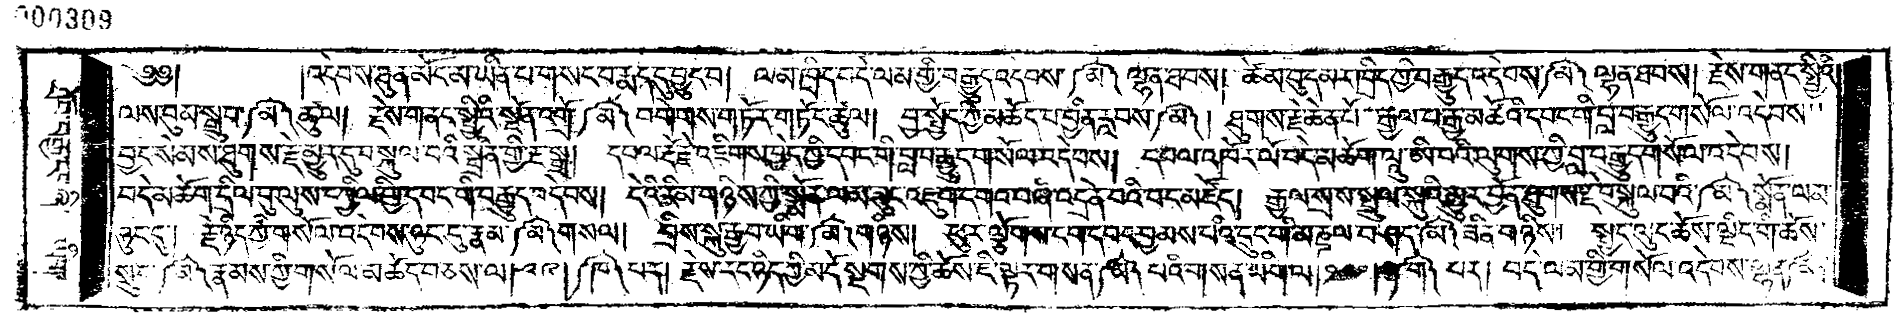༄༅། །འདེབས་ཐུན་མོང་མ་ཡིན་པ་གསང་བ་རྨད་དུ་བྱུང་བ། ལམ་ཁྲིད་བདེ་ལམ་གྱི་བརྒྱུད་འདེབས ༼མ༽ ལྷན་ཐབས། ཚེམ་བུ་དམར་ཁྲིད་ཀྱི་བརྒྱུད་འདེབས ༼མ༽ ལྷན་ཐབས། རྗེས་གནང་སྤྱིའི་
ལས་བུམ་སྒྲུབ ༼མ༽ ཚུལ། རྗེས་གནང་སྤྱིའི་སྔོན་འགྲོ ༼མ༽ བགེགས་གཏོར་གཏོང་ཚུལ། བྱ་སྤྱོད་ཀྱི་མཆོད་པ་བྱིན་རླབས ༼མ༽། ཐུགས་རྗེ་ཆེན་པོ་རྒྱལ་པ་རྒྱ་མཚོའི་དབང་གི་བླ་བརྒྱུད་གསོལ་འདེབས་
བྱང་སེམས་ཐུགས་རྗེ་མྱུར་དུ་བསྐུལ་བའི་སྤྲིན་གྱི་རྔ་སྒྲ། དཔལ་རྡོ་རྗེ་འཇིགས་བྱེད་ཀྱི་དབང་གི་བླ་བརྒྱུད་གསོལ་འདེབས། དཔལ་འཁོར་ལོ་བདེ་མཆོག་ལཱུ་ཨི་པའི་ལུགས་ཀྱི་བླ་བརྒྱུད་གསོལ་འདེབས།
བདེ་མཆོག་དྲིལ་བུ་ལུས་དཀྱིལ་གྱི་དབང་གི་བརྒྱུད་འདེབས། དེའི་རིམ་གཉིས་ཀྱི་སྨོན་ལམ་ཟུང་འཇུག་དགའ་བཞི་འདྲེན་པའི་བང་མཛོད། རྒྱལ་སྲས་སྤྲུལ་སྐུའི་མྱུར་བྱོན་ཐུགས་རྗེ་བསྐུལ་བའི ༼མ༽ སྨོན་ལམ་
ཉུང་དུ། རྗེ་ཉིད་ཀྱི་གསོལ་འདེབས་ཉུང་དུ་རྣམ ༼མ༽ གསལ། བྲིས་སྐུ་རྒྱབ་ཡིག ༼མ༽ གཉིས། ཕུར་ལྕོགས་ངག་དབང་བྱམས་པའི་དྲུང་གི་མཎྜལ་བཤད ༼མ༽ ཟིན་གཉིས། སྦྱང་ལུང་ཆོས་ལྡིང་གི་ཆོས་
སྲུང ༼མ༽ རྣམས་ཀྱི་གསོལ་མཆོད་བཅས་ལ། ༢༩། ༼ཁ༽ པར། རྗེས་རང་ཉིད་ཀྱི་མདོ་སྔགས་ཀྱི་ཆོས་ཇི་ལྟར་གསན ༼མ༽ པའི་གསན་ཡིག་ལ། ༡༠༠། ༼ག༽ པར། བདེ་ལམ་གྱི་གསོལ་འདེབས་ལྷན ༼མ༽